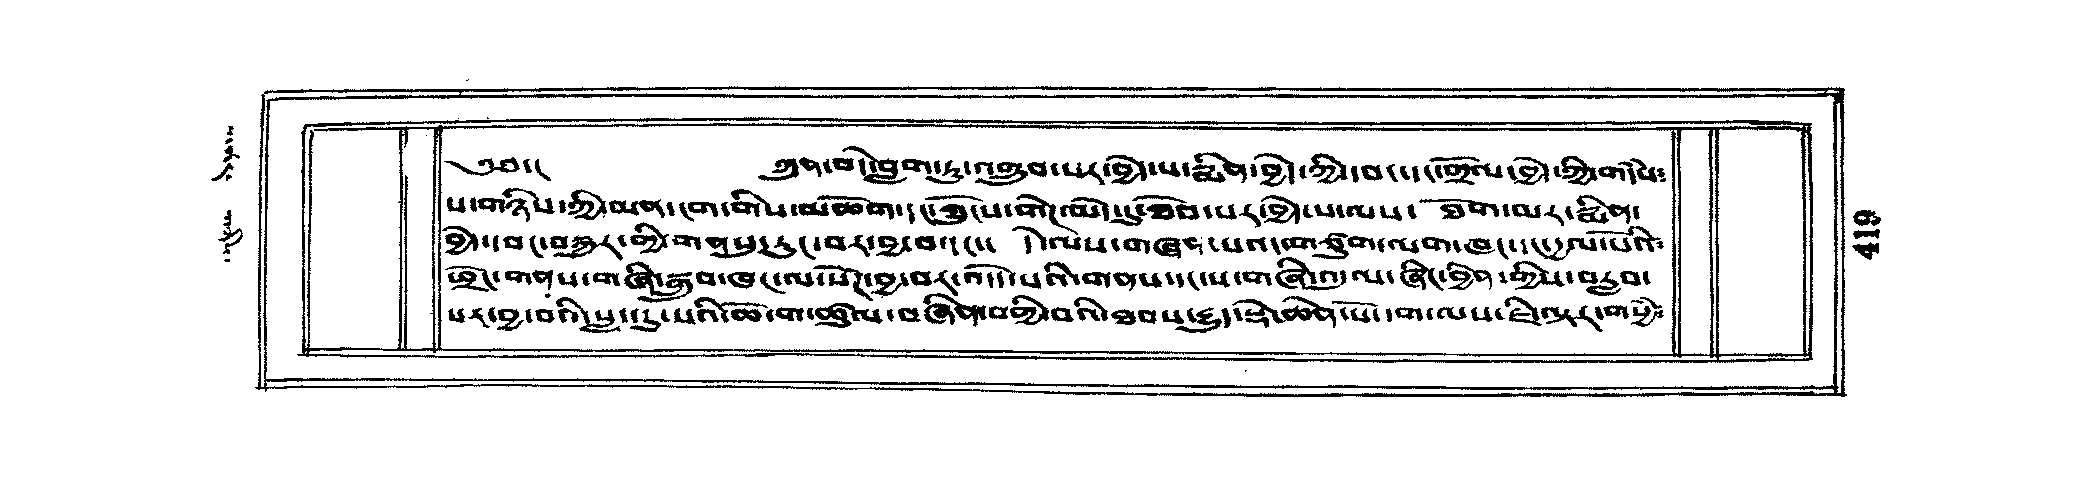ཀུན་བདེ་སླག་ཏུ་འགྲུབ་པར་བྱེད་པ་སྨིན་བྱེད་ཀྱི་དབང་དང་གྲོལ་བྱེད་ཀྱི་གདམས་
པ་གཉིས་ཀྱི་མན་ངག་གི་མཆོག་དང་ཐུན་མོང་གེགས་མེད་དུ་ཐོབ་པར་བྱེད་པ་ལས། ཐོག་མར་སྨིན་
བྱེད་དབང་བསྐུར་གྱི་གནསུ་ས་རུང་བར་བྱ་བ་དང་། དེ་ལས་གཞན་པའི་བཙུག་ལག་ཁང་དང་རྒྱལ་པོའི་
ཕོ་བྲང་གནས་གཞི་སྒྲུབ་ཁང་ལ་སོགས་བྱ་བར་འདོད་པའི་གནས་དང་ས་གཞི་འདུལ་ཞིང་བྱིན་གྱིས་བརླབ་
པར་བྱ་བའི་སླད་དུ་སའི་ཆོ་ག་ཚུལ་བཞིན་བགྱི་བའི་ཐབས་རྒྱུད་སྡེ་ཆེན་པོ་དག་ལས་ཇི་ལྟར་གསུངས་